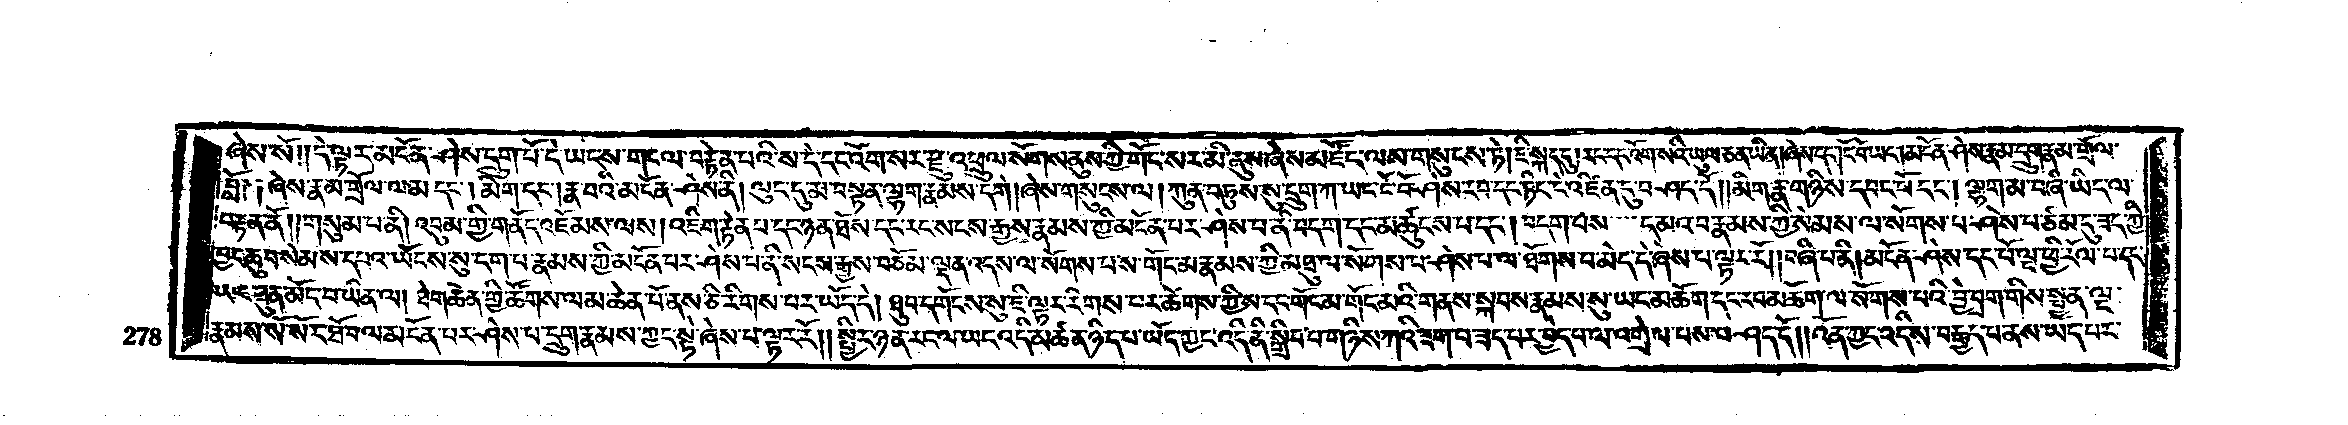ཞེས་སོ། །དེ་ལྟར་མངོན་ཤེས་དྲུག་པོ་དེ་ཡང་ས་གང་ལ་བརྟེན་པའི་ས་དེ་དང་འོག་སར་རྫུ་འཕྲུལ་སོགས་ནུས་ཀྱི་གོང་སར་མི་ནུས་ཞེས་མཛོད་ལས་གསུངས་ཏེ། ཇི་སྐད་དུ། རང་དང་འོག་སའི་ཡུལ་ཅན་ཡིན། ཞེས་དང་། ངོ་བོ་ཡང་། མངོན་ཤེས་རྣམ་དྲུག་རྣམ་གྲོལ་
བློ། །ཞེས་རྣམ་གྲོལ་ལམ་དང་། མིག་དང་། རྣ་བའི་མངོན་ཤེས་ནི། ལུང་དུ་མ་བསྟན་ལྷག་རྣམས་དགེ །ཞེས་གསུངས་ལ། ཀུན་བཏུས་སུ་དྲུག་ཀ་ཡང་ངོ་བོ་ཤེས་རབ་དང་ཏིང་ངེ་འཛིན་དུ་བཤད་དོ། །མིག་རྣ་གཉིས་དབང་པོ་དང་། ལྷག་མ་བཞི་ཡིད་ལ་
བརྟེན་ནོ། །གསུམ་པ་ནི། འབུམ་གྱི་གནོད་འཇོམས་ལས། འཇིག་རྟེན་པ་དང་ཉན་ཐོས་དང་རང་སངས་རྒྱས་རྣམས་ཀྱི་མངོན་པར་ཤེས་པ་ནི་བདག་དང་མཚུངས་པ་དང་། བདག་པས་དམའ་བ་རྣམས་ཀྱི་སེམས་ལ་སོགས་པ་ཤེས་པ་ཙམ་དུ་ཟད་ཀྱི་
བྱང་ཆུབ་སེམས་དཔའ་ཡོངས་སུ་དག་པ་རྣམས་ཀྱི་མངོན་པར་ཤེས་པ་ནི་སངས་རྒྱས་བཅོམ་ལྡན་འདས་ལ་སོགས་པ་ས་གོང་མ་རྣམས་ཀྱི་མཐུ་ལ་སོགས་པ་ཤེས་པ་ལ་ཐོགས་པ་མེད་དེ་ཞེས་པ་ལྟར་རོ། །བཞི་པ་ནི། མངོན་ཤེས་དང་པོ་ལྔ་ཕྱི་རོལ་པ་དང་
ཡང་ཐུན་མོང་བ་ཡིན་ལ། ཐེག་ཆེན་གྱི་ཚོགས་ལམ་ཆེན་པོ་ནས་ཅི་རིགས་པར་ཡོད་དེ། ཐུབ་དགོངས་སུ་ཇི་ལྟར་རིགས་པར་ཚོགས་ཀྱི་ས་དང་གོང་མ་གོང་མའི་གནས་སྐབས་རྣམས་སུ་ཡང་མཆོག་དང་རབ་མཆོག་ལ་སོགས་པའི་བྱེ་བྲག་གིས་སྤྱན་ལྔ་
རྣམས་སོ་སོར་ཐོབ་ལ་མངོན་པར་ཤེས་པ་དྲུག་རྣམས་ཀྱང་སྟེ་ཞེས་པ་ལྟར་རོ། །སྤྱིར་ཉན་རང་ལ་ཡང་འདི་མཚན་ཉིད་པ་ཡོད་ཀྱང་འདི་ནི་སྒྲིབ་པ་གཉིས་ཀའི་ཟག་པ་ཟད་པར་བྱེད་པ་ལ་འགྲེལ་པས་བཤད་དོ། །འོན་ཀྱང་འདིས་བརྒྱད་པ་ནས་ཡོད་པར་